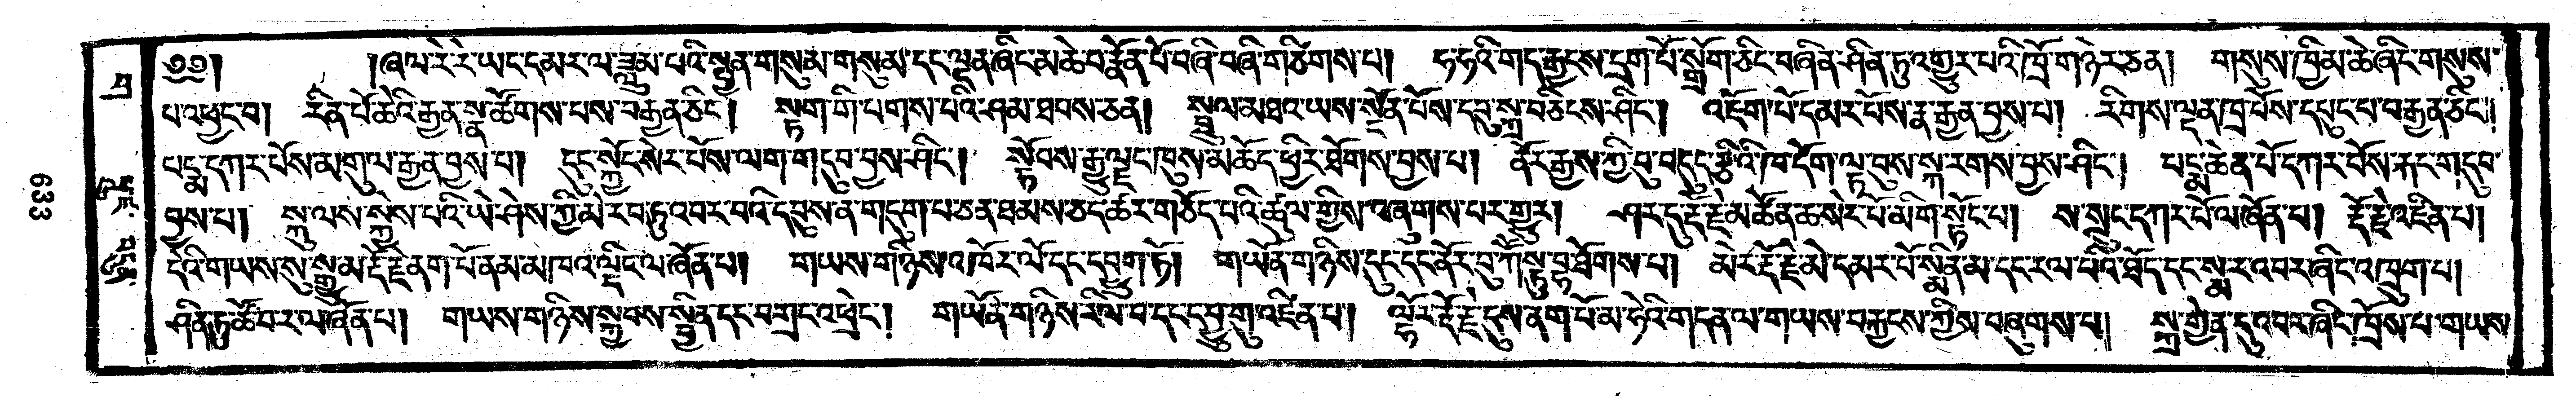༄༅། །ཞལ་རེ་རེ་ཡང་དམར་ལ་ཟླུམ་པའི་སྤྱན་གསུམ་གསུམ་དང་ལྡན་ཞིང་མཆེ་བ་རྣོན་པོ་བཞི་བཞི་གཙིགས་པ། ཧ་ཧའི་གད་རྒྱངས་དྲག་པོ་སྒྲོག་ཅིང་བཞིན་ཤིང་ཏུ་འགྱུར་པའི་ཁྲོ་གཉེར་ཅན། གསུས་ཁྱིམ་ཆེ་ཞིང་གསུས་
པ་འཕྱང་བ། རིན་པོ་ཆེའི་རྒྱན་སྣ་ཚོགས་པས་བརྒྱན་ཅིང་། སྟག་གི་པགས་པའི་ཤམ་ཐབས་ཅན། སྤྲུལ་མཐའ་ཡས་སྔོ་ན་པོས་དབུ་སྐྲ་བཅིངས་ཤིང་། འཇོག་པོ་དམར་པོས་རྣ་རྒྱན་བྱས་པ། རིགས་ལྡན་ཁྲ་པོས་དཔུང་པ་བརྒྱན་ཅིང།།
པདམ་དཀར་པོས་མགུལ་རྒྱན་བྱས་པ། དུང་སྐྱོང་སེར་པོས་ལག་གདུབ་བྱས་ཤིང་། སྟོབས་རྒྱུ་ལྗང་ཁུས་མཆོད་ཕྱིར་ཐོགས་བྱས་པ། ནོར་རྒྱས་ཀྱི་བུ་དབུད་རྩིའི་ཁ་དོག་ལྟ་བུས་སྐ་རགས་བྱས་ཤིང་། པདམ་ཆེན་པོ་དཀར་བོས་རྐང་གདུབ་
བྱས་པ། སྐུ་ལས་སྐྱེས་པའི་ཡེ་ཤེས་ཀྱི་མེ་རབ་ཏུ་འབར་བའི་དབུས་ན་གདུག་པ་ཅན་ཐམས་ཅད་ཚར་གཅོད་པའི་ཚུལ་གྱིས་བཞུགས་པར་གྱུར། ཤར་དུ་རྡོ་རྗེ་མཚོན་ཆ་སེར་པོ་མིག་སྟོང་པ། ས་སྲུང་དཀར་པོ་ལ་ཞོན་པ། རྡོ་རྗེ་འཛིན་པ།
དེའི་གཡས་སུ་སྒྱུ་མ་རྡོ་རྗེ་ནག་པོ་ནམ་མཁའ་ལྡིང་ལ་ཞོན་པ། གཡས་གཉིས་འཁོར་ལོ་དང་དབྱུག་ཏོ། གཡོན་གཉིས་དུང་དང་ནོར་བུ་ཀཽ་སྟུ་བྷ་ཐོགས་པ། མེར་རྡོ་རྗེ་མེ་དམར་པོ་སྨིན་མ་དང་རལ་པའི་ཐོད་དང་སྨ་ར་འབར་ཞིང་འཁྲུག་པ།
ཤིན་ཏུ་ཚོ་བ་ར་ལ་ཞོན་པ། གཡས་གཉིས་སྐྱབས་སྦྱིན་དང་བགྲང་འཕྲེང་། གཡོན་གཉིས་རིལ་བ་དང་དབྱུ་གུ་འཛིན་པ། ལྷོར་རྡོ་རྗེ་དུས་ནག་པོ་མ་ཧེའི་གདན་ལ་གཡས་བརྐྱངས་ཀྱིས་བཞུགས་པ། སྐྲ་གྱེན་དུ་འབྲད་ཞིང་ཁྲོས་པ་གཡས་